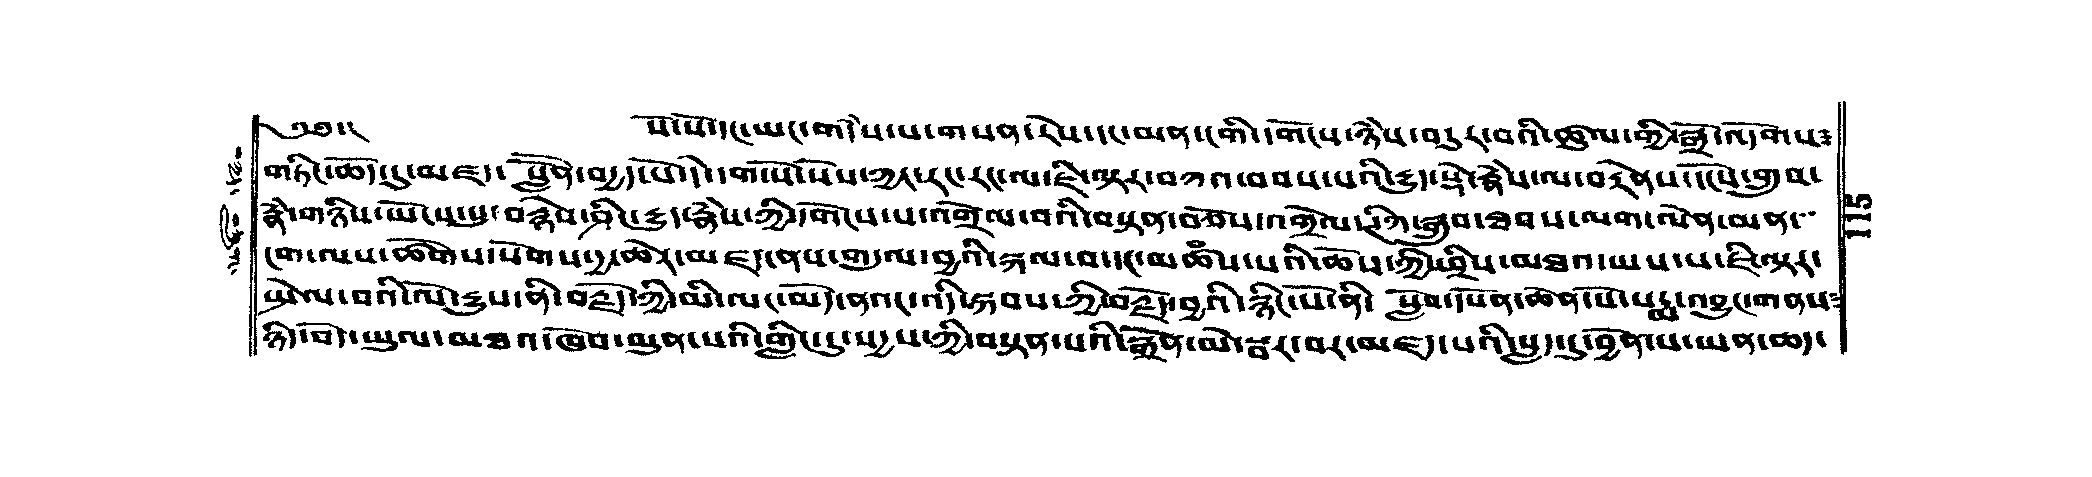སོ་སོ་དང་ཡང་གདམས་པ་གསན་རེས་དང་མན་ངག་གི་དགོངས་ཉམས་བདུད་བའི་ཚུལ་གྱི་སྒྲོ་འདོགས་
གཏིང་ཆོད་དུ་མཛད། སློབ་དཔོན་བརྒྱད་པོ་དེ་དག་སོ་སོས་ཀྱང་རང་རང་ལ་ཇི་ལྟར་བཀའ་བབས་པའི་རྒྱུད་སྡེ་རྣམས་ལ་བརྟེན་ནས་དངོས་གྲུབ་
རྣམ་གཉིས་ཡོངས་སུ་བརྙེས་ཤིང་རྒྱུད་རྣམས་ཀྱི་དགོངས་པ་འགྲོལ་བའི་བསྟན་བཅོས་འགྲེལ་ཊིཀ་སྒྲུབ་ཐབས་ལག་ལེན་མན་
ངག་ལས་ཚོགས་སོགས་རྒྱ་ཆེར་མཛད་ནས་གདུལ་བྱའི་སྐལ་བ་དང་མཚམས་པའི་ཆོས་ཀྱི་ཕྲིན་ལས་མཐའ་ཡས་པ་ཇི་ལྟར་
སྤེལ་བའི་ལོ་རྒྱུས་ནི་བརྗོད་ཀྱི་མི་ལང་མོད་ནའང་འདི་སྐབས་ཀྱི་བརྗོད་བྱའི་སྙིང་པོ་ནི།སློབ་དཔོན་ཆེན་པོ་པདྨ་འབྱུང་གནས་
ཉིད་བོད་ཡུལ་མཐའ་ཁོབ་མུན་པའི་གླིང་དུ་སངས་རྒྱས་ཀྱི་བསྟན་པའི་སྒྲོན་མེ་སྦར་བར་མཛད་པའི་སླད་དུ་བྱོན་པ་ཡན་ཆད་